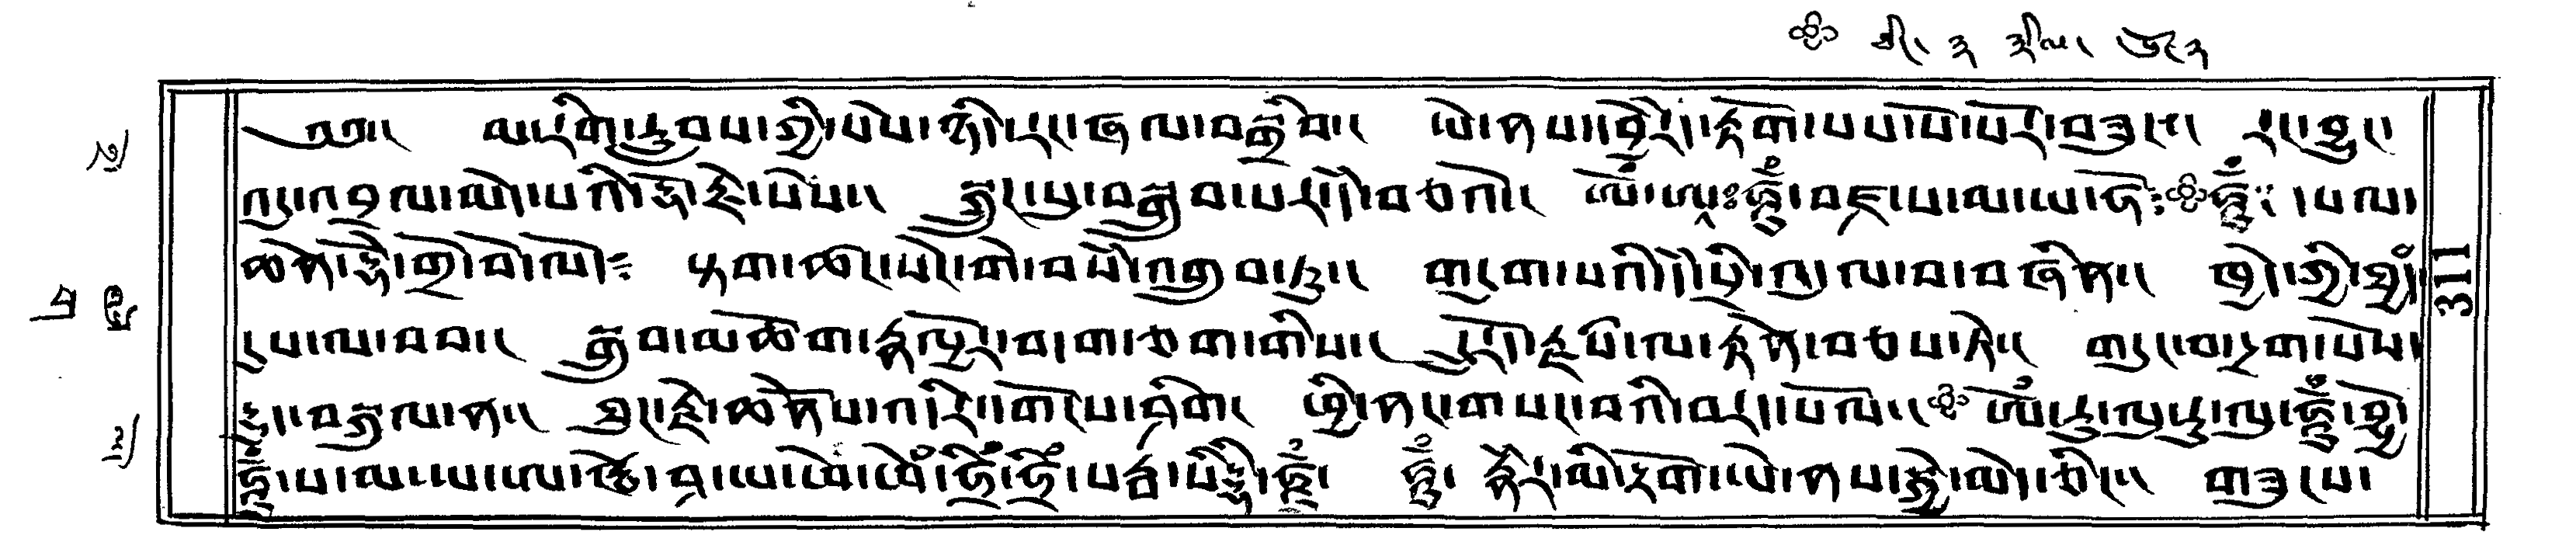མ་རིག་རླབས་ཀྱི་སེམས་ཉིད་རང་ཞལ་བསྒྲིབ། །ཡེ་ནས་དབྱེར་མེད་རྟོག་པས་སོ་སོར་བཟུང་། །རང་བྱུང་
འདུ་འབྲལ་མེད་པའི་རྡོ་རྗེ་སེམས། །སྐུ་གསུང་ཐུགས་སུ་བསྒྲུབ་པར་དམ་བཅའོ།ཨོཾ་ཨཱཿཧཱུྃ་བཛྲ་ས་མ་ཡ་ཧོཿ ཧཱུྃ། དཔལ་
ཆེན་རྡོ་རྗེ་གྲོ་བོ་ལཽད། །སྟག་ཚང་སེང་གེ་བསམ་གྲུབ་ཏུ། །གདུག་པའི་དམ་སྲི་འདུལ་བ་བཞིན། །ཁྱེད་ཀྱི་ཐུགས་དམ་
དུས་ལ་བབ། སྒྲུབ་མཆོག་རྣལ་འབྱོར་བདག་ཅག་གིས། །དུར་ཁྲོད་རྫས་ལ་བརྟེན་བཅས་ཏེ། །གདུང་བ་དྲག་པོས་
རྒྱུད་བསྐུལ་ན། །ཐུགས་རྗེ་ཆེན་པོས་འདིར་དགོངས་ཤིག །ཕྱི་ནང་གསང་བའི་བར་ཆད་སོལ། ཨོཾ་རུ་ལུ་རུ་ལུ་ཧཱུྃ་བྷྱོ་
ཧཱུྃ་ས་མ་ཡ་ཨ་ཝེ་ཤ་ཡ་ཕེཾ་ཕེཾ་ཧྲིཾ་ཧྲིཾ་སརྦ་སིདྡྷི་ཧཱུྃ། ཧཱུྃ། རྣམ་པར་མི་རྟོག་ཡེ་ནས་སྐྱེ་མེད་ཅིང་། གཟུང